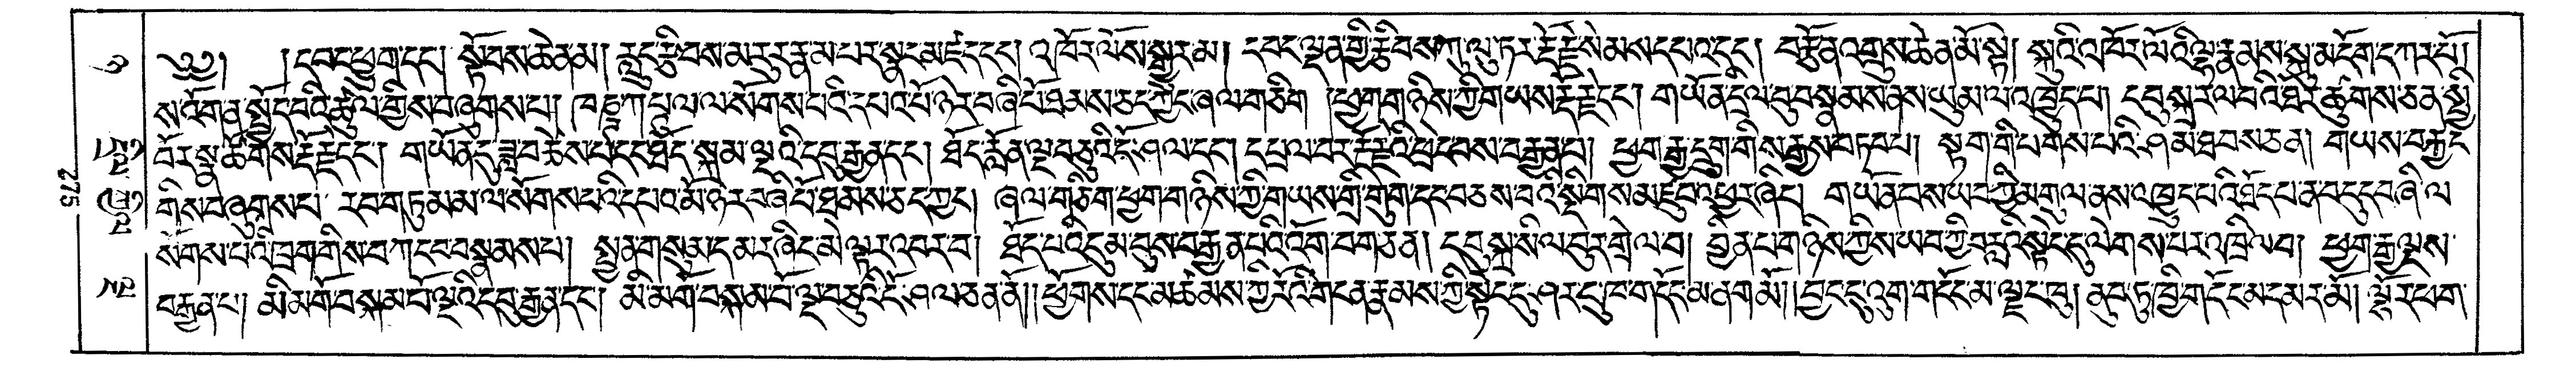༄༅། །དབང་ཕྱུག་དང་། སྟོབས་ཆེན་མ། རླུང་རྩི་བས་མ་རུང་རྣམ་པར་སྣང་མཛད་དང་། འཁོར་ལོས་སྒྱུར་མ། དབང་ལྡན་གྱི་རྩིབས་ཀུ་ལུ་ཐར་རྡོ་རྗེ་སེམས་དཔའ་དང་། བརྩོན་འགྲུས་ཆེན་མོ་སྟེ། སྐུའི་འཁོར་ལོའི་ལྷ་རྣམས་སྐུ་མདོག་དཀར་པོ་
ས་འོག་ན་སྤྱོད་པའི་ཚུལ་གྱིས་བཞུགས་པ། ཁཎྜ་ཀ་པཱ་ལ་ལ་སོགས་པའི་དཔའ་བོ་ཉེར་བཞི་པོ་ཐམས་ཅད་ཀྱང་ཞལ་གཅིག །ཕྱག་གཉིས་ཀྱི་གཡས་རྡོ་རྗེ་དང་། གཡོན་དྲིལ་བུ་བསྣམས་ནས་ཡུམ་ལ་འཁྱུད་པ། དབུ་སྐྲ་རལ་པའི་ཐོར་ཚུགས་ཅན། སྤྱི་
པོར་སྣ་ཚོགས་རྡོ་རྗེ་དང་། གཡོན་དུ་ཟླ་བ་ཚེས་པ་དང་ཐོད་སྐམ་ལྔའི་དབུ་རྒྱན་དང་། ཐོད་རློན་ལྔ་བཅུའི་དོ་ཤལ་དང་། དཔྲལ་བར་རྡོ་རྗེའི་ཕྲེང་བས་བརྒྱན་པ། ཕྱག་རྒྱ་དྲུག་གིས་རྒྱས་བཏབ་པ། སྟག་གི་པགས་པའི་ཤམ་ཐབས་ཅན། གཡས་བརྐྱང་
གིས་བཞུགས་པ། རབ་གཏུམ་མ་ལ་སོགས་པའི་དཔའ་མོ་ཉེར་བཞི་པོ་ཐམས་ཅད་ཀྱང་། ཞལ་གཅིག་ཕྱག་གཉིས་ཀྱི་གཡས་གྲི་གུག་དང་བཅས་པའི་སྡིགས་མཛུབ་འཕྱར་ཞིང་། གཡོན་པས་ཡབ་ཀྱི་མགུལ་ནས་འཁྱུད་པའི་ཐོད་པ་ན་བདུད་བཞི་ལ་
སོགས་པའི་ཁྲག་གིས་བཀང་བ་བསྣམས་པ། སྤྱན་གསུམ་དམར་ཞིང་མེ་ལྟར་འབར་བ། ཐོད་པའི་དུམ་བུས་བརྒྱན་པའི་འོག་བག་ཅན། དབུ་སྐྲ་སིལ་བུར་གྲོལ་བ། བྱིན་པ་གཉིས་ཀྱིས་ཡབ་ཀྱི་བརླའི་སྟེང་དུ་ལེགས་པར་འཁྲིལ་བ། ཕྱག་རྒྱ་ལྔས་
བརྒྱན་པ། མི་མགོ་བསྐམ་པོ་ལྔའི་དབུ་རྒྱན་དང་། མི་མགོ་བསྐམ་པོ་ལྔ་བཅུའི་དོ་ཤལ་ཅན་ནོ། །ཕྱོགས་དང་མཚམས་ཀྱི་རོའི་གདན་རྣམས་ཀྱི་སྟེང་དུ་ཤར་དུ་ཁ་གདོང་མ་དམར་མོ། བྱང་དུ་འུག་གདོང་མ་ལྗང་ཁུ། ནུབ་ཏུ་ཀྱི་གདོང་མ་དམར་མོ། ལྷོར་ཕག་